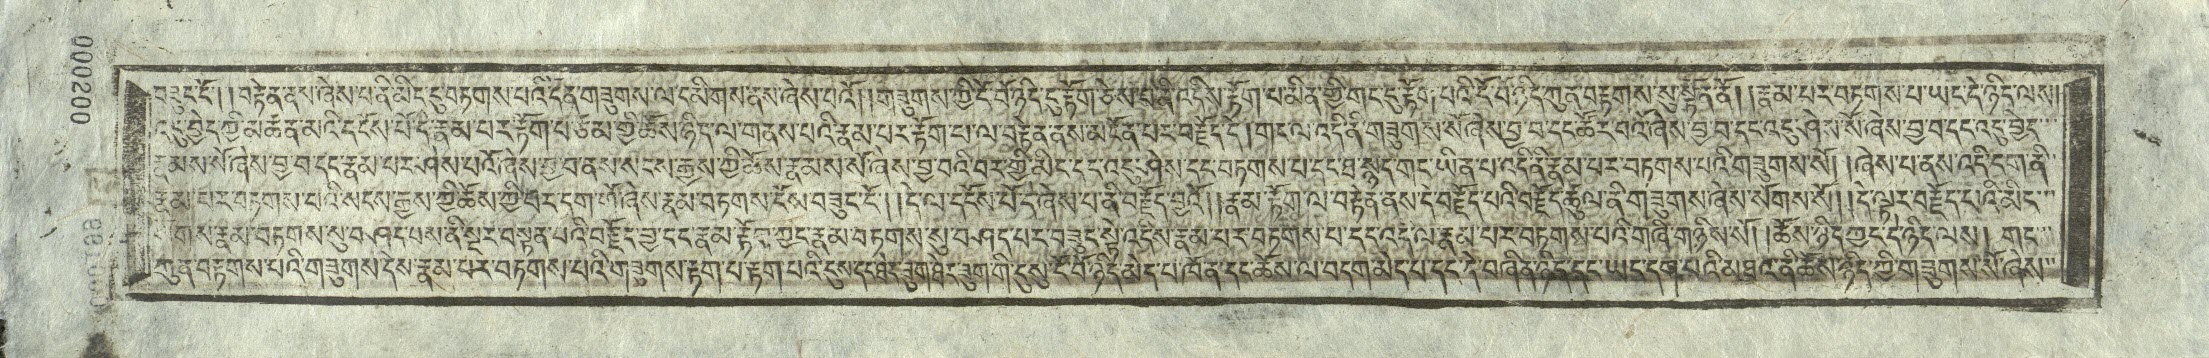བཟུང་ངོ། །བརྟེན་ནས་ཞེས་པ་ནི་མིང་དུ་བཏགས་པའི་དོན་གཟུགས་ལ་དམིགས་ནས་ཞེས་པའོ། །གཟུགས་ཀྱི་ངོ་བོ་ཉིད་དུ་རྟོག་ཅེས་པ་ནི་འདིས་རྟོག་པ་མིན་གྱི་གང་དུ་རྟོག་པའི་ངོ་བོ་ཉིད་ཀུན་བརྟགས་སུ་སྟོན་ནོ། །རྣམ་པར་བཏགས་པ་ཡང་དེ་ཉིད་ལས་
འདུ་བྱེད་ཀྱི་མཚན་མའི་དངོས་པོ་དེ་རྣམ་པར་རྟོག་པ་ཙམ་གྱི་ཆོས་ཉིད་ལ་གནས་པའི་རྣམ་པར་རྟོག་པ་ལ་བརྟེན་ནས་མངོན་པར་བརྗོད་དེ། གང་ལ་འདི་ནི་གཟུགས་སོ་ཞེས་བྱ་བ་དང་ཚོར་བའོ་ཞེས་བྱ་བ་དང་འདུ་ཤེས་སོ་ཞེས་བྱ་བ་དང་འདུ་བྱེད་
རྣམས་སོ་ཞེས་བྱ་བ་དང་རྣམ་པར་ཤེས་པའོ་ཞེས་བྱ་བ་ནས་སངས་རྒྱས་ཀྱི་ཆོས་རྣམས་སོ་ཞེས་བྱ་བའི་བར་གྱི་མིང་དང་འདུ་ཤེས་དང་བཏགས་པ་དང་ཐ་སྙད་གང་ཡིན་པ་འདི་ནི་རྣམ་པར་བཏགས་པའི་གཟུགས་སོ། །ཞེས་པ་ནས་འདི་དག་ནི་
རྣམ་པར་བཏགས་པའི་སངས་རྒྱས་ཀྱི་ཆོས་ཀྱི་བར་དག་གོ་ཞེས་རྣམ་བཏགས་ངོས་བཟུང་ངོ། །དེ་ལ་དངོས་པོ་དེ་ཞེས་པ་ནི་བརྗོད་བྱའོ། །རྣམ་རྟོག་ལ་བརྟེན་ནས་དེ་བརྗོད་པའི་བརྗོད་ཚུལ་ནི་གཟུགས་ཞེས་སོགས་སོ། །དེ་ལྟར་བརྗོད་པའི་མིང་
སོགས་རྣམ་བཏགས་སུ་བཤད་པས་ནི་སྔར་བསྟན་པའི་བརྗོད་བྱ་དང་རྣམ་རྟོག་ཀྱང་རྣམ་བཏགས་སུ་བཤད་བར་བཟུང་སྟེ་འདིས་རྣམ་པར་བཏགས་པ་དང་འདི་ལ་རྣམ་པར་བཏགས་པའི་གཞི་གཉིས་སོ། །ཆོས་ཉིད་ཀྱང་དེ་ཉིད་ལས། གང་
ཀུན་བརྟགས་པའི་གཟུགས་དེས་རྣམ་པར་བཏགས་པའི་གཟུགས་རྟག་པ་རྟག་པའི་དུས་དང་ཐེར་ཐུག་ཐེར་ཟུག་གི་དུ་སུ་ངོ་བོ་ཉིད་མེད་པ་ཁོ་ན་དང་ཆོས་ལ་བདག་མེད་པ་དང་དེ་བཞིན་ཉིད་དང་ཡང་དག་པའི་མཐའ་ནི་ཆོས་ཉིད་ཀྱི་གཟུགས་སོ་ཞེས་